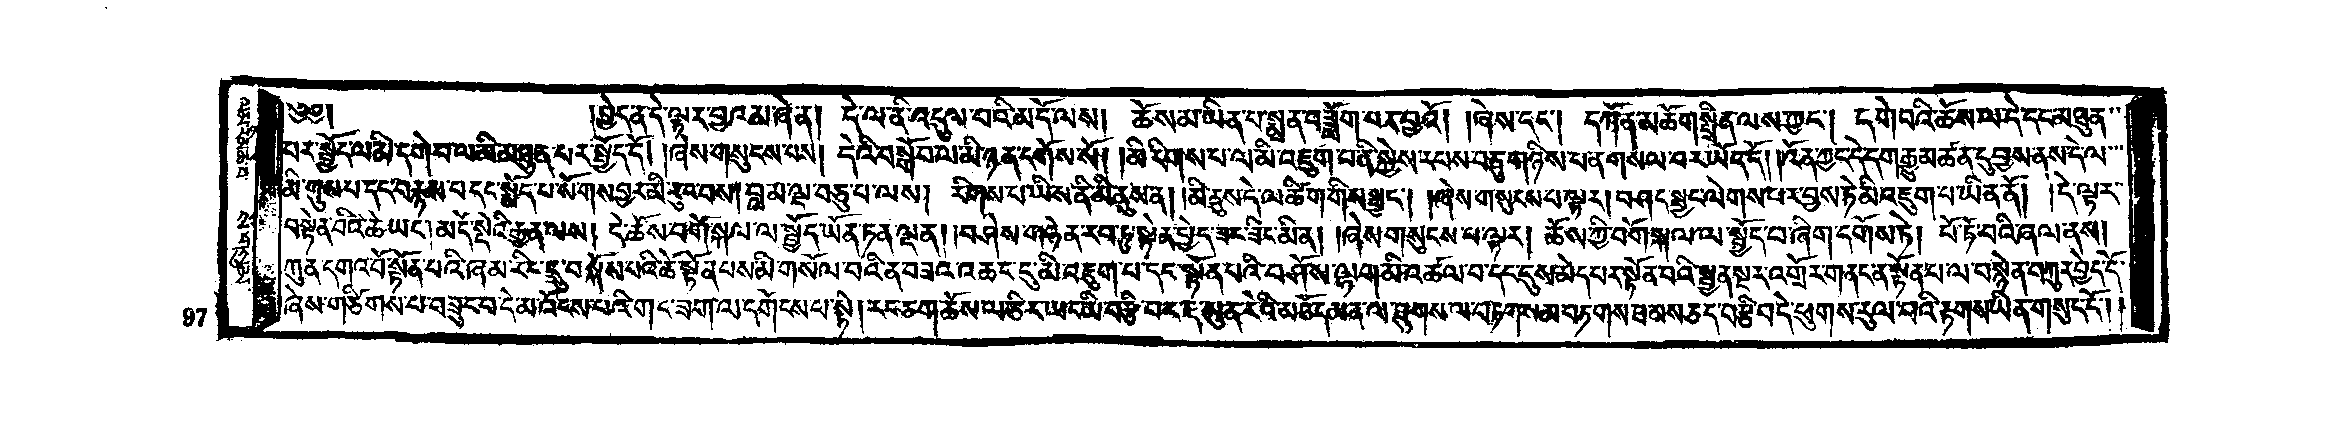༄༅། །བྱེད་ན་དེ་ལྟར་བྱའམ་ཞེ་ན། དེ་ལ་ནི་འདུལ་བའི་མདོ་ལས། ཆོས་མ་ཡིན་པ་སྨྲ་ན་བཟློག་པར་བྱའོ། །ཞེས་དང་། དཀོན་མཆོག་སྤྲིན་ལས་ཀྱང་། དགེ་བའི་ཆོས་ལ་དེ་དང་མཐུན་བར་སྤྱོད་ལ་མི་དགེ་བ་ལ་མི་མཐུན་
པར་སྤྱོད་དོ། །ཞེས་གསུངས་པས། དེའི་བསྒོ་བ་ལ་མི་ཉན་དགོས་སོ། །མི་རིགས་པ་ལ་མི་འཇུག་པ་ནི་སྐྱེས་རབས་བཅུ་གཉིས་པ་ན་གསལ་བར་ཡོད་དོ། །འོན་ཀྱང་དེ་དག་རྒྱུ་མཚན་དུ་བྱས་ནས་དེ་ལ་
མི་གུས་པ་དང་བརྙས་པ་དང་སྨོད་པ་སོགས་བྱར་མི་རུང་བས། བླ་མ་ལྔ་བཅུ་པ་ལས། རིགས་པ་ཡིས་ནི་མི་ནུས་ན། །མི་ནུས་དེ་ལ་ཚིག་གིས་སྦྱང་། །ཞེས་གསུངས་པ་ལྟར། བཤད་སྦྱང་ལེགས་པར་བྱས་ཏེ་མི་འཇུག་པ་ཡིན་ནོ། །དེ་ལྟར་
བསྟེན་པའི་ཚེ་ཡང་། མདོ་སྡེའི་རྒྱན་ལས། དེ་ཆོས་བགོ་སྐལ་ལ་སྤྱོད་ཡོན་ཏན་ལྡན། །བཤེས་གཉེན་རབ་ཏུ་སྟེན་བྱེད་ཟང་ཟིང་མིན། །ཞེས་གསུངས་པ་ལྟར། ཆོས་ཀྱི་བགོ་སྐལ་ལ་སྤྱོད་པ་ཞིག་དགོས་ཏེ། པོ་ཏོ་བའི་ཞལ་ནས།
ཀུན་དགའ་བོ་སྟོན་པའི་ཞམ་རིང་དུ་བསྐོས་པའི་ཚེ་སྟོན་པས་མི་གསོལ་བའི་ན་བཟའ་འཆང་དུ་མི་འཇུག་པ་དང་སྟོན་པའི་བཤོས་ལྷག་མི་འཚལ་བ་དང་དུས་མེད་པར་སྟོན་པའི་སྤྱན་སྔར་འགྲོར་གནང་ན་སྟོན་པ་ལ་བསྙེན་བཀུར་བྱེད་དོ་
ཞེས་གཙིགས་པ་བཟུང་བ་དེ་མ་འོངས་པའི་གང་ཟག་ལ་དགོངས་པ་སྟེ། རང་ཅག་ཆོས་ལ་ཅིར་ཡང་མི་བརྩི་བར་ཇ་སུན་རེའི་མཐོ་དམན་ལ་ཐུགས་ལ་བཏགས་མ་བཏགས་ཐམས་ཅད་བརྩི་བ་དེ་ཕུགས་རུལ་བའི་རྟགས་ཡིན་གསུང་ངོ། །